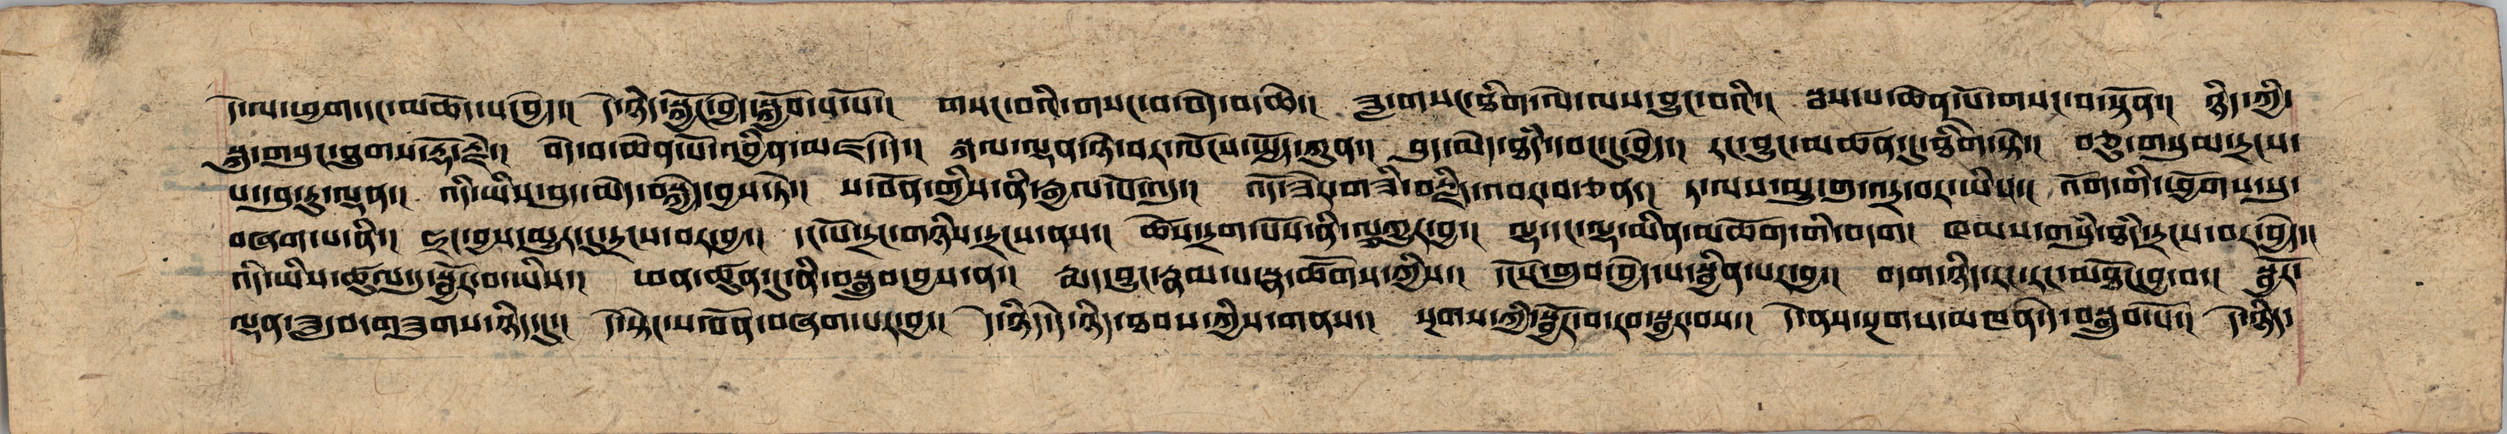དེ་ལ་ཕྱག་དང་མཆོད་པ་བྱེད་། དེ་ཉིད་སྐྱོང་བྱེད་སྐྱོབ་པ་པོ་། གསང་བའི་གསང་བ་བདེ་བ་ཆེ་། ཟླ་གསང་ཐིག་ལེ་ལས་བྱུང་བའི་། སྦས་པ་ཆེན་པོ་གསང་བ་སྟོན་། ཉིད་ཀྱི་
སྐུ་གསུང་ཐུགས་རྡོ་རྗེ་། བདེ་བ་ཆེན་པོ་འབྱིན་མཛད་དེ་། སྐལ་ལྡན་ཉེ་བར་ལོངས་སྤྱོད་ཀུན་། བུད་མེད་ཐཾད་དབང་དུ་བྱེད་། རང་བྱུང་མཚན་ཏུ་ཐིགེ་སྟེ་། བཅུ་གསུམ་དྲངས་
པ་དབུ་རུ་ལྡན་། འདི་ཡིས་བུད་མེད་བསྐྱེད་བྱས་ཏེ་། ས་བོན་གྱིས་ནི་རྒྱལ་པོ་འདུ་། འོད་ཟེར་གཟི་བརྗིད་འབར་བ་ཅན་། ཏ་ལས་མྱུ་གུ་འདྲ་བར་ཡིས་། འོག་གི་ཕྱོགས་སུ་
བཞག་པ་ནི་། ཧྲང་བྱས་མྱུར་དུ་དྲངས་བར་བྱ་། དང་པོ་དྲང་གཉིས་དྲངས་ནས་། ཚེས་དྲག་པོས་ནི་ལྕཀྱུར་བྱ་། ལྷ་དང་ལྷ་མིན་མཆོག་གི་བདག། ཁམས་གསུམ་ཐཾད་དྲངས་བར་བྱེད་།
འདི་ཡིས་ཚུལ་དུ་སྦྱོར་བ་ཡིས་། ཕན་ཚུན་དུ་ནི་བསྒྲུབ་བྱས་ན་། རྨད་བྱུང་རྣམ་པ་སྣ་ཚོགས་ཀྱིས་། དངོས་གྲུབ་བྱེད་པ་སྦྱིན་པར་བྱ་། བདག་ཉིད་རང་རང་མཐོང་བྱ་བ་། སྦྱོར་
ལྡན་ཟླ་བ་གཟུགས་ཉིད་དུ་། དེ་སྟེང་ས་བོན་བཞག་པར་བྱ་། དེ་ཉིད་དེ་ཉིད་ཐབས་ཀྱིས་གནས་། སྔགས་ཀྱི་སྦྱོར་བ་རབ་སྦྱར་བས་། དེ་ནས་སྔགས་མཁན་དེ་བསྒྲུབ་པོ་། དེ་ཉིད་